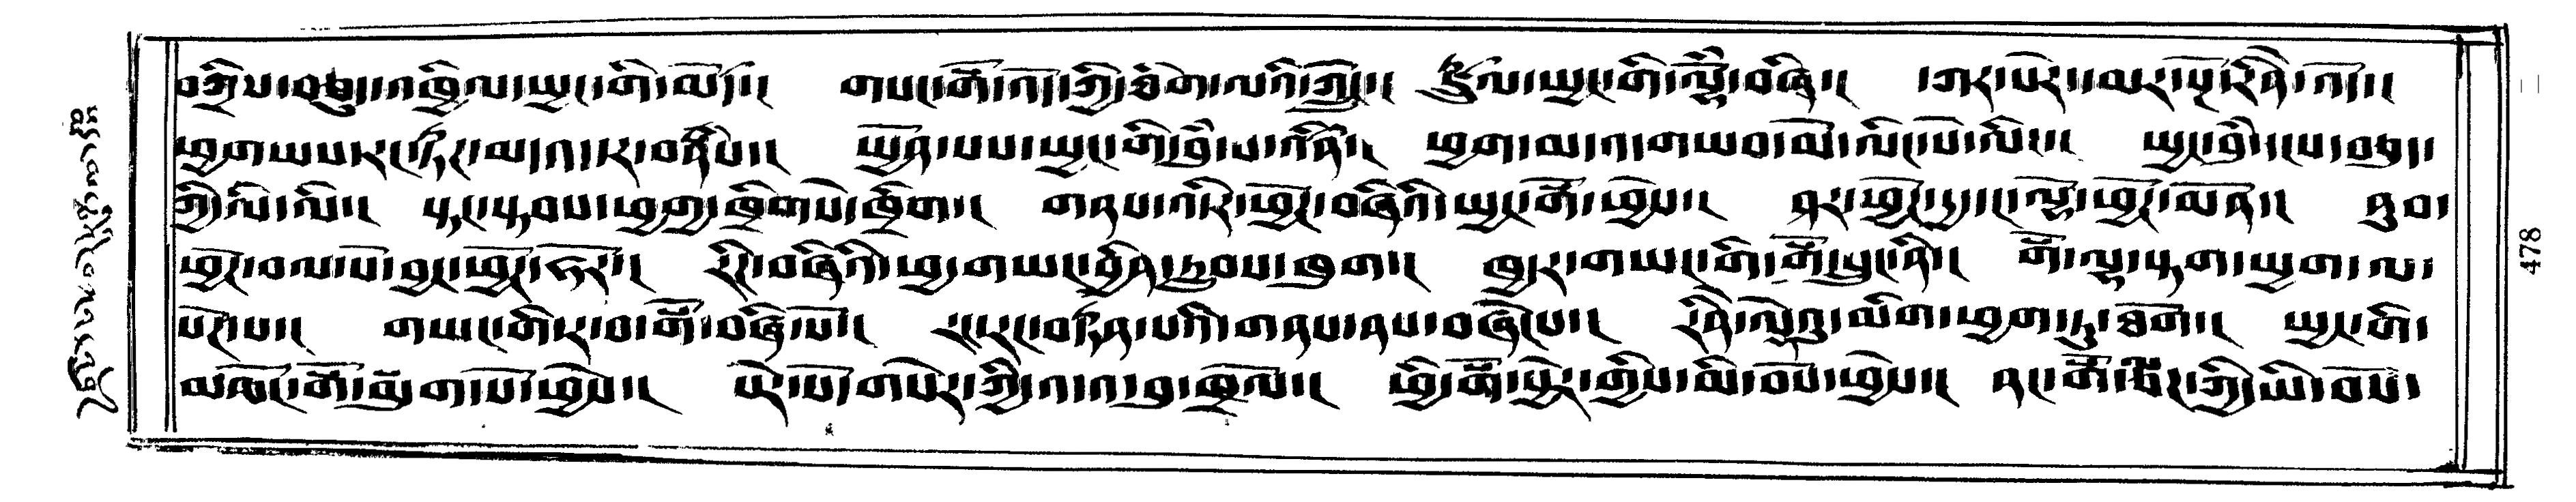།བཀྲ་ཤིས་བཅུད་འཁྱིལ་གཡང་གི་མཛོད། །གསང་སྒོ་འོད་ཀྱི་ཐིག་ལའི་ཀློང་། །རྫུ་འཕྲུལ་གཡང་གི་ལྷ་མོ་བཞི། །དཀར་སེར་དམར་སྔོ་རིན་ཆེན་འོད། །
ཕྱག་གཡས་རང་རྟགས་མདའ་དར་བསྣམས། །གཡོན་པས་གཡང་གི་བུམ་པ་འཛིན། །ཕྱག་མདའ་གཡབ་མོ་ལིང་སེ་ལིང་། །གཡང་བུམ་དྭངས་བཅུད་
ཀྱི་ལི་ལི། །སྟངས་སྟབས་ཕྱག་རྒྱ་ཁྲིགས་སེ་ཁྲིག།གནས་འདིར་ཕྱོགས་བཞིའི་གཡང་སྒོ་ཕྱེས། །ཤར་ཕྱོགས་རྒྱ་དང་ལྷོ་ཕྱོགས་མོན། །ནུབ་
ཕྱོགས་བལ་པོ་བྱང་ཕྱོགས་ཧོར། །རིགས་བཞིའི་ཕྱྭ་གཡང་བྱིན་རླབས་ཁུག །ཁྱད་པར་གཡང་གི་སྒོ་སྲུང་ནི། །སྒོ་ལྷ་སྟག་གཡག་ལ་
སོགས་པ། །གཡང་གི་ར་བ་སྒོ་བཞི་པོ། །རང་རང་བརྟན་པའི་གནས་ནས་བཞེངས། །རིན་ཆེན་ལྡེའུ་མིག་ཕྱག་ཏུ་ཐོགས། །གཡང་གི་
མཆོང་སྒོ་སྨུག་པོ་ཕྱེས། །སེར་པོ་གསེར་ཀྱི་འདའ་བུ་ཁྲོལ། །ཕྱི་སྒོ་གསེར་གྱིས་མི་བསོ་ཕྱེས། །ནང་སྒོ་ལྕགས་ཀྱི་མི་བོས་